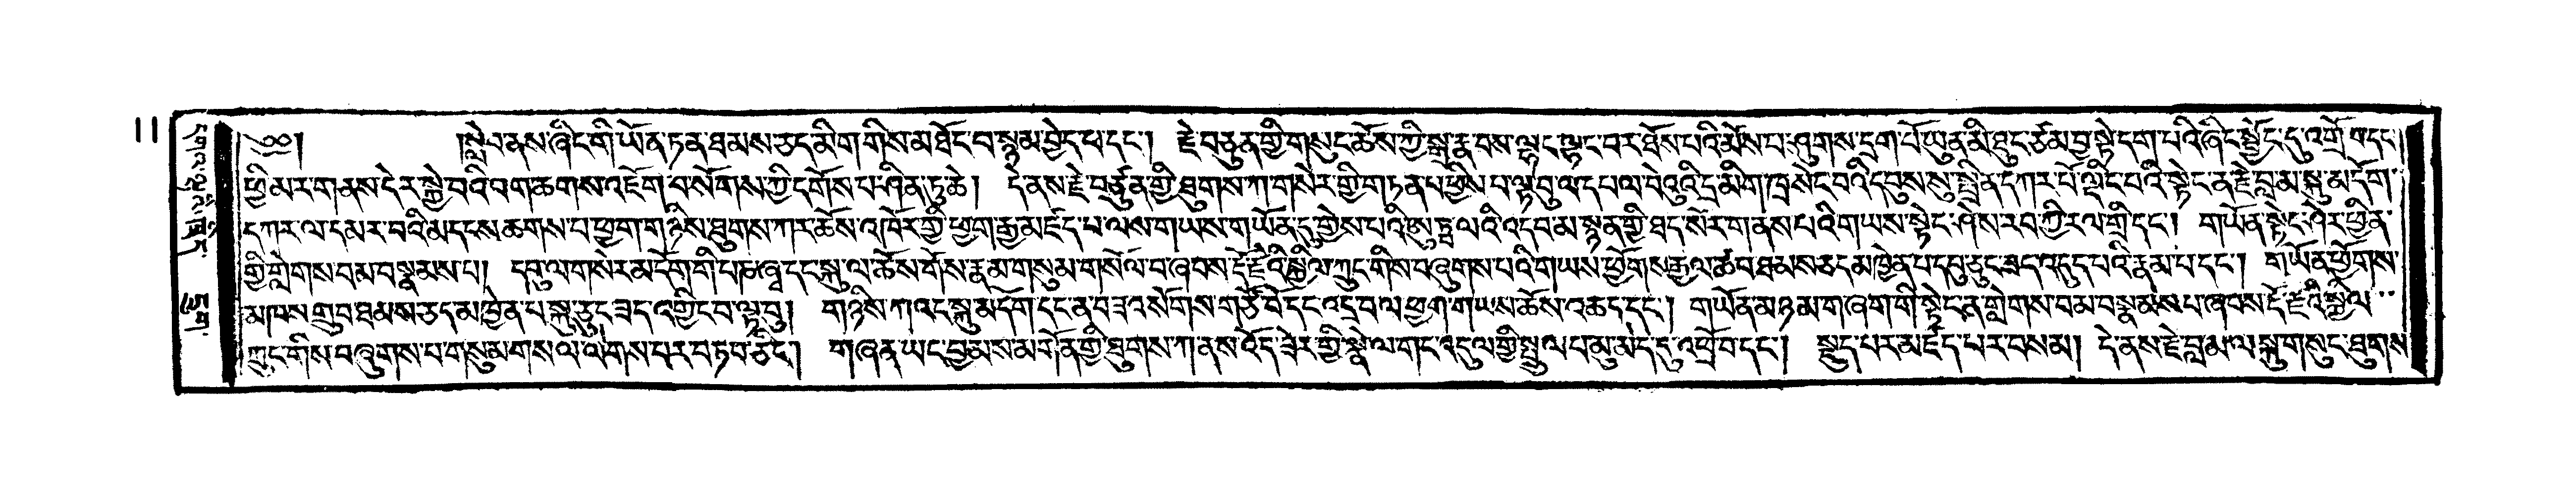༄༅། །སླེབ་ནས་ཞིང་གི་ཡོན་ཏན་ཐམས་ཅད་མིག་གིས་མཐོང་བ་སྙམ་བྱེད་པ་དང་། རྗེ་བཙུན་གྱི་གསུང་ཆོས་ཀྱི་སྒྲ་རྣ་བས་ལྷང་ལྷང་བར་ཐོས་པའི་མོས་པ་ཤུགས་དྲག་པོ་ཡུན་མི་ཐུང་ཙམ་བྱ་སྟེ་དག་པའི་ཞིང་སྦྱོང་དུ་འགྲོ་བ་དང་
ཕྱི་མར་གནས་དེར་སྐྱེ་བའི་བག་ཆགས་འཇོག་པ་སོགས་ཀྱི་དགོས་པ་ཤིན་ཏུ་ཆེ། དེ་ནས་རྗེ་བཙུན་གྱི་ཐུགས་ཀ་གསེར་གྱི་གཏན་པ་ཕྱིས་པ་ལྟ་བུ་ལ་དཔལ་བེའུའི་དྲ་མིག་ཁྲ་སེང་བའི་དབུས་སུ་སྤྲིན་དཀར་པོ་ལྡིང་བའི་སྟེང་ན་རྗེ་བླ་མ་སྐུ་མདོག་
དཀར་ལ་དམར་བའི་མདངས་ཆགས་པ་ཕྱག་གཉིས་ཐུགས་ཀར་ཆོས་འཁོར་གྱི་ཕྱག་རྒྱ་མཛད་པ་ལས་གཡས་གཡོན་དུ་གཡེས་པའི་ཨུཊ་པ་ལའི་འདབ་མ་སྙན་གྱི་ཐད་སོར་གནས་པའི་གཡས་སྟེང་ཤེས་རབ་ཀྱི་རལ་གྲི་དང་། གཡོན་སྟེང་ཤེར་ཕྱིན་
གྱི་གླེགས་བམ་བསྣམས་པ། དབུ་ལ་གསེར་མདོག་གི་པཎ་ཞྭ་དང་སྐུ་ལ་ཆོས་གོས་རྣམ་གསུམ་གསོལ་བ་ཞབས་རྡོ་རྗེའི་སྐྱིལ་ཀྲུང་གིས་བཞུགས་པའི་གཡས་ཕྱོགས་རྒྱལ་ཚབ་ཐམས་ཅད་མཁྱེན་པ་དབུ་ཅུང་ཟད་འདུད་པའི་རྣམ་པ་དང་། གཡོན་ཕྱོགས་
མཁས་གྲུབ་ཐམས་ཅད་མཁྱེན་པ་སྐུ་ཅུང་ཟད་འགྱིང་བ་ལྟ་བུ། གཉིས་ཀའང་སྐུ་མདོག་དང་ན་བཟའ་སོགས་གཙོ་བོ་དང་འདྲ་བ་ལ་ཕྱག་གཡས་ཆོས་འཆད་དང་། གཡོན་མཉམ་གཞག་གི་སྟེང་ན་གླེགས་བམ་བསྣམས་པ་ཞབས་རྡོ་རྗེའི་སྐྱིལ་
ཀྲུང་གིས་བཞུགས་པ་གསུམ་གསལ་ལེགས་པར་བཏབ་ཅིང་། གཞན་ཡང་བྱམས་མགོན་གྱི་ཐུགས་ཀ་ནས་འོད་ཟེར་གྱི་སྣེ་ལ་གང་འདུལ་གྱི་སྤྲུལ་པ་མུ་མེད་དུ་འཕྲོ་བ་དང་། སྡུད་པར་མཛད་པར་བསམ། དེ་ནས་རྗེ་བླ་མ་ལ་སྐུ་གསུང་ཐུགས་